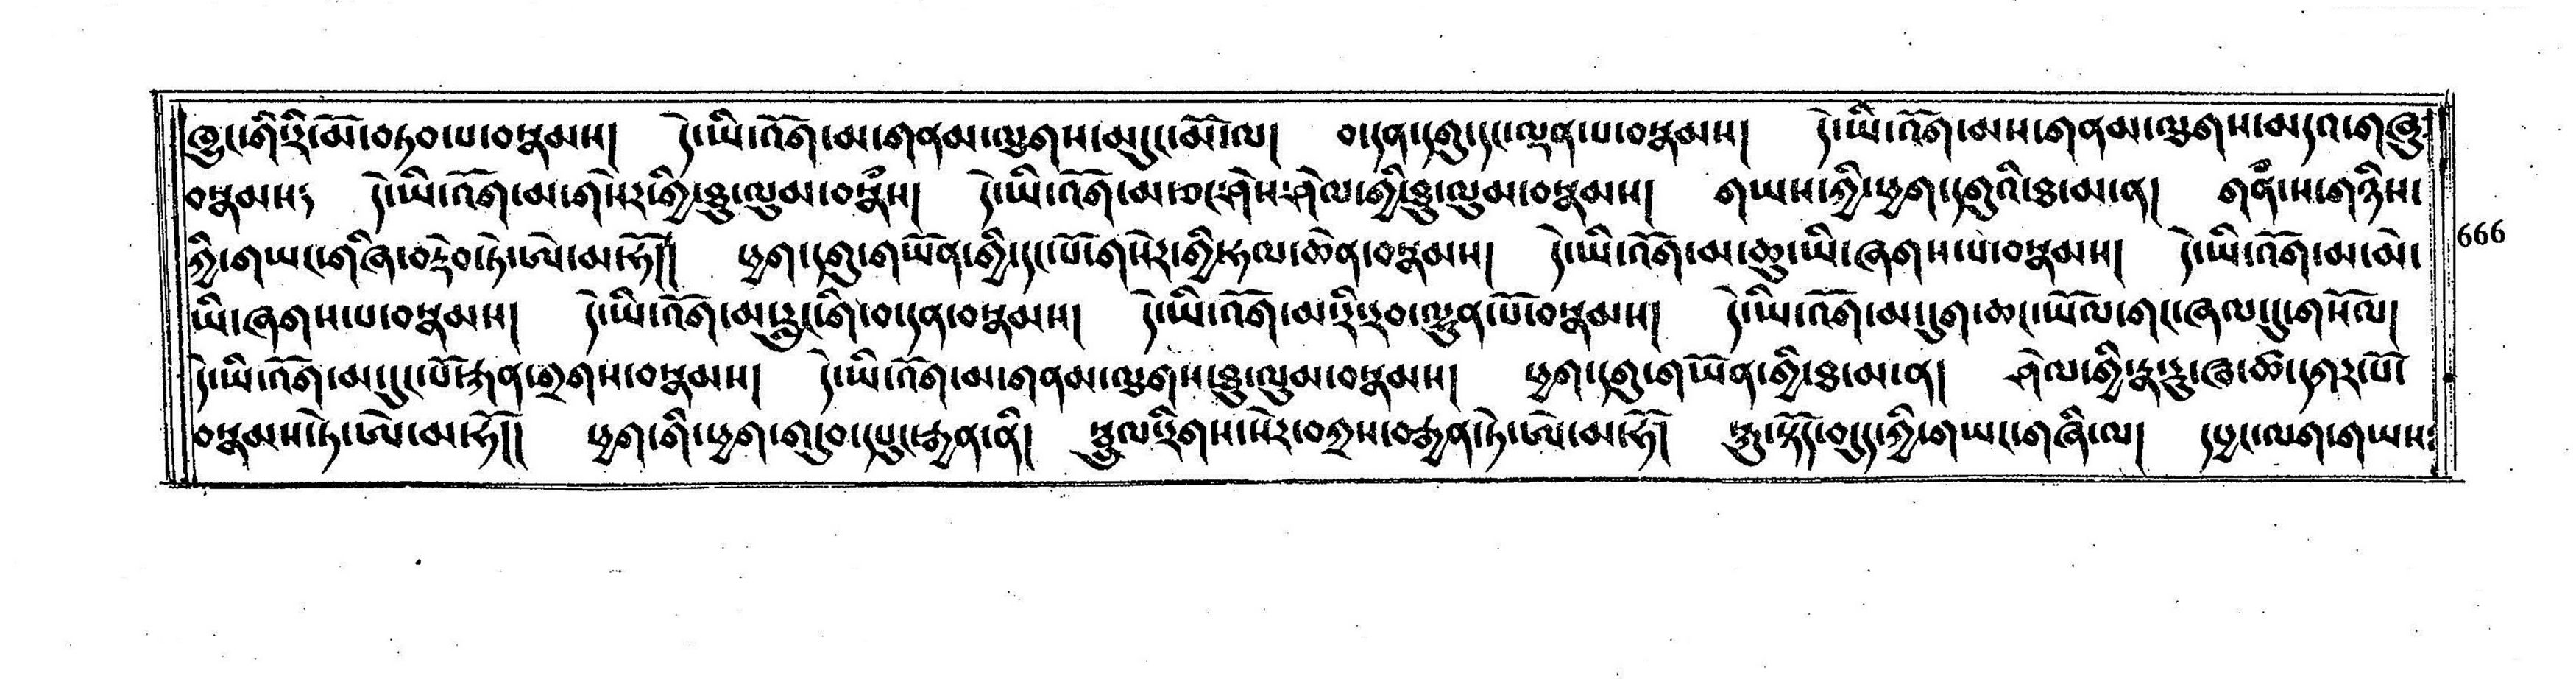ཁྱུང་གི་རི་མོ་བཏབ་པ་བསྣམས། དེ་ཡི་འོག་མ་གནམ་ལྕགས་མདུང་མོ་ལ། བ་དན་དགུ་དང་ལྡན་པ་བསྣམས། དེ་ཡི་འོག་མས་གནམ་ལྕགས་མདའ་གཞུ་
བསྣམས། དེ་ཡི་འོག་མ་གསེར་གྱི་ཐུ་ལུམ་བསྣམས། དེ་ཡི་འོག་མ་ཅང་ཤེས་ཤེལ་གྱི་ཐུ་ལུམ་བསྣམས། གཡས་ཀྱི་ཕྱག་དགུའི་ཐ་མ་ན། གནམ་ས་གཉིས་
ཀྱི་གཡང་གཞི་བརྡེབ་ཏེ་ཨེ་མ་ཧོ།། ཕྱག་དགུ་གཡོན་གྱི་དང་པོ་གསེར་གྱི་ཧལ་ཆེན་བསྣམས། དེ་ཡི་འོག་མ་ཆུ་ཡི་ཞགས་པ་བསྣམས། དེ་ཡི་འོད་མ་མེ་
ཡི་ཞགས་པ་བསྣམས། དེ་ཡི་འོག་མ་རླུང་གི་བ་དན་བསྣམས། དེ་ཡི་འོག་མ་རི་རབ་ལྷུན་པོ་བསྣམས། དེ་ཡི་འོག་མ་དུག་ཆང་ཡོལ་གང་ཞལ་དུ་གསོལ། 
དེ་ཡི་འོག་མ་དུང་པོ་རྐན་གྲགས་བསྣམས། དེ་ཡི་འོག་མ་གནམ་ལྕགས་ཐུ་ལུམ་བསྣམས། ཕྱག་དགུ་གཡོན་གྱི་ཐ་མ་ན། ཤེལ་གྱི་རྣ་རུ་ཝ་ཚ་དཀར་པོ་
བསྣམས་ཏེ་ཨེ་མ་ཧོ།། ཕྱག་གི་ཕྱག་གདུབ་དཔུང་རྒྱན་ནི། སྦྲུལ་རིགས་སེར་བཀྲས་བརྒྱན་ཏེ་ཨེ་མ་ཧོ། སྐུ་སྟོད་བདུད་ཀྱི་གཡང་གཞི་ལ། དཔྱང་ལག་གཡས་